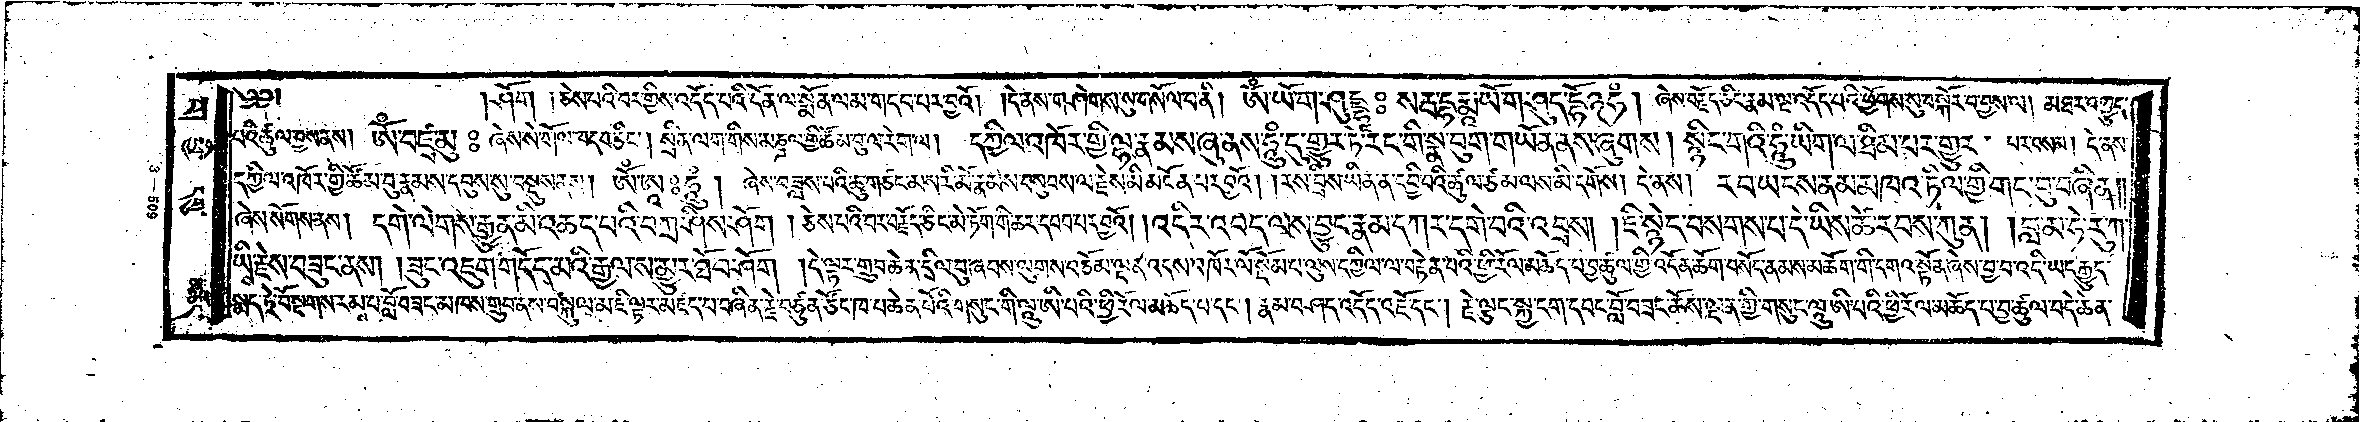༄༅། །ཤོག་།ཅེས་པའི་བར་གྱིས་འདོད་པའི་དོན་ལ་སྨོན་ལམ་གདབ་པར་བྱའོ། །དེ་ནས་གཤེགས་སུ་གསོལ་བ་ནི།  ཨོ྾་ཡོ་ག་ཤུདྡྷOHསརྦ་དྷརྨཱ་ཡོ་ག་ཤུད་དྷོ་ཉ་ཧ྾། ཞེས་བརྗོད་ཅིང་རྣམ་ལྔ་འདོད་པའི་ཕྱོགས་སུ་བསྐོར་བ་བྱས་ལ། མཐར་བགྱུད་
པའི་ཚུལ་བྱས་ནས། ཨོ྾་བཛྲ་མུཿ ཞེས་སེ་གོལ་བདབ་ཅིང་། སྲིན་ལག་གིས་མཎྜལ་གྱི་ཚོམ་བུ་ལ་རེག་པ།  དཀྱིལ་འཁོར་གྱི་ལྷ་རྣམས་ཞུ་ནས་ཧཱུ྾་དུ་གྱུར་ཏེ་རང་གི་སྣ་བུག་གཡོན་ནས་ཞུགས། སྙིང་གའི་ཧཱུ྾་ཡིག་ལ་ཐིམ་པར་གྱུར་པར་བསམ། དེ་ནས་
དཀྱིལ་འཁོར་གྱི་ཚོམ་བུ་རྣམས་དབུས་སུ་བསྡུས་ནས། ཨོ྾་ཨཱཿཧཱུ྾། ཞེས་བཟླས་པའི་ཆུ་གཙང་མས་རི་མོ་རྣམས་བསུབས་ལ་རྗེས་མི་མངོན་པར་བྱའོ། །རས་བྲིས་ཡིན་ན་དབྱི་བའི་ཚུལ་ཙམ་ལས་མི་དགོས། དེ་ནས།  ངབ་ཡངས་ནམ་མཁའ་ཏིལ་གྱི་གང་བུ་བཞིན།།
ཞེས་སོགས་ནས།  དགེ་ལེགས་རྒྱུན་མི་འཆད་པའི་བཀྲ་ཤིས་ཤོག། །ཅེས་པའི་བར་བརྗོད་ཅིང་མེ་ཏོག་གེ་ཆར་དབབ་པར་བྱའོ།  །འདིར་འབད་ལས་བྱུང་རྣམ་དཀར་དགེ་བའི་འབྲས། །ཇི་སྙེད་བསགས་པ་དེ་ཡིས་ཚེ་རབས་ཀུན། །བླ་མ་ཧེ་རུ་ཀ་
ཡིས་རྗེས་བཟུང་ནས། །ཟུང་འཇུག་གདོད་མའི་རྒྱལ་ས་མྱུར་ཐོབ་ཤོག །དེ་ལྟར་གྲུབ་ཆེན་དྲིལ་བུ་ཞབས་ལུགས་བཅོམ་ལྡན་འདས་འཁོར་ལོ་སྡོམ་པ་ལུས་དཀྱིལ་ལ་བརྟེན་པའི་ཕྱི་རོལ་མཆོད་པ་བྱ་ཚུལ་གྱི་འདོན་ཆོག་བསོད་ནམས་མཆོག་གི་དགའ་སྟོན་ཞེས་བྱ་བ་འདི་ཡང་རྒྱུད་
སྨད་ཏྲེ་བོ་སྔགས་རྣམ་པ་བློ་བཟང་མཁས་གྲུབ་ནས་བསྐུལ་མ་ཇི་ལྟར་མཛད་པ་བཞིན་རྗེ་བཙུན་ཙོང་ཁ་པ་ཆེན་པོའི་གསུང་གི་ལའུ་ཨི་པའི་ཕྱི་རོལ་མཆོད་པ་དང་། རྣམ་བཤད་འདོད་འཇོ་དང་། རྗེ་ལྕང་སྐྱ་ངག་དབང་བློ་བཟང་ཆོས་ལྡན་གྱི་གསུང་ལཱུ་ཨི་པའི་ཕྱི་རོལ་མཆོད་པ་བྱ་ཚུལ་བདེ་ཆེན་